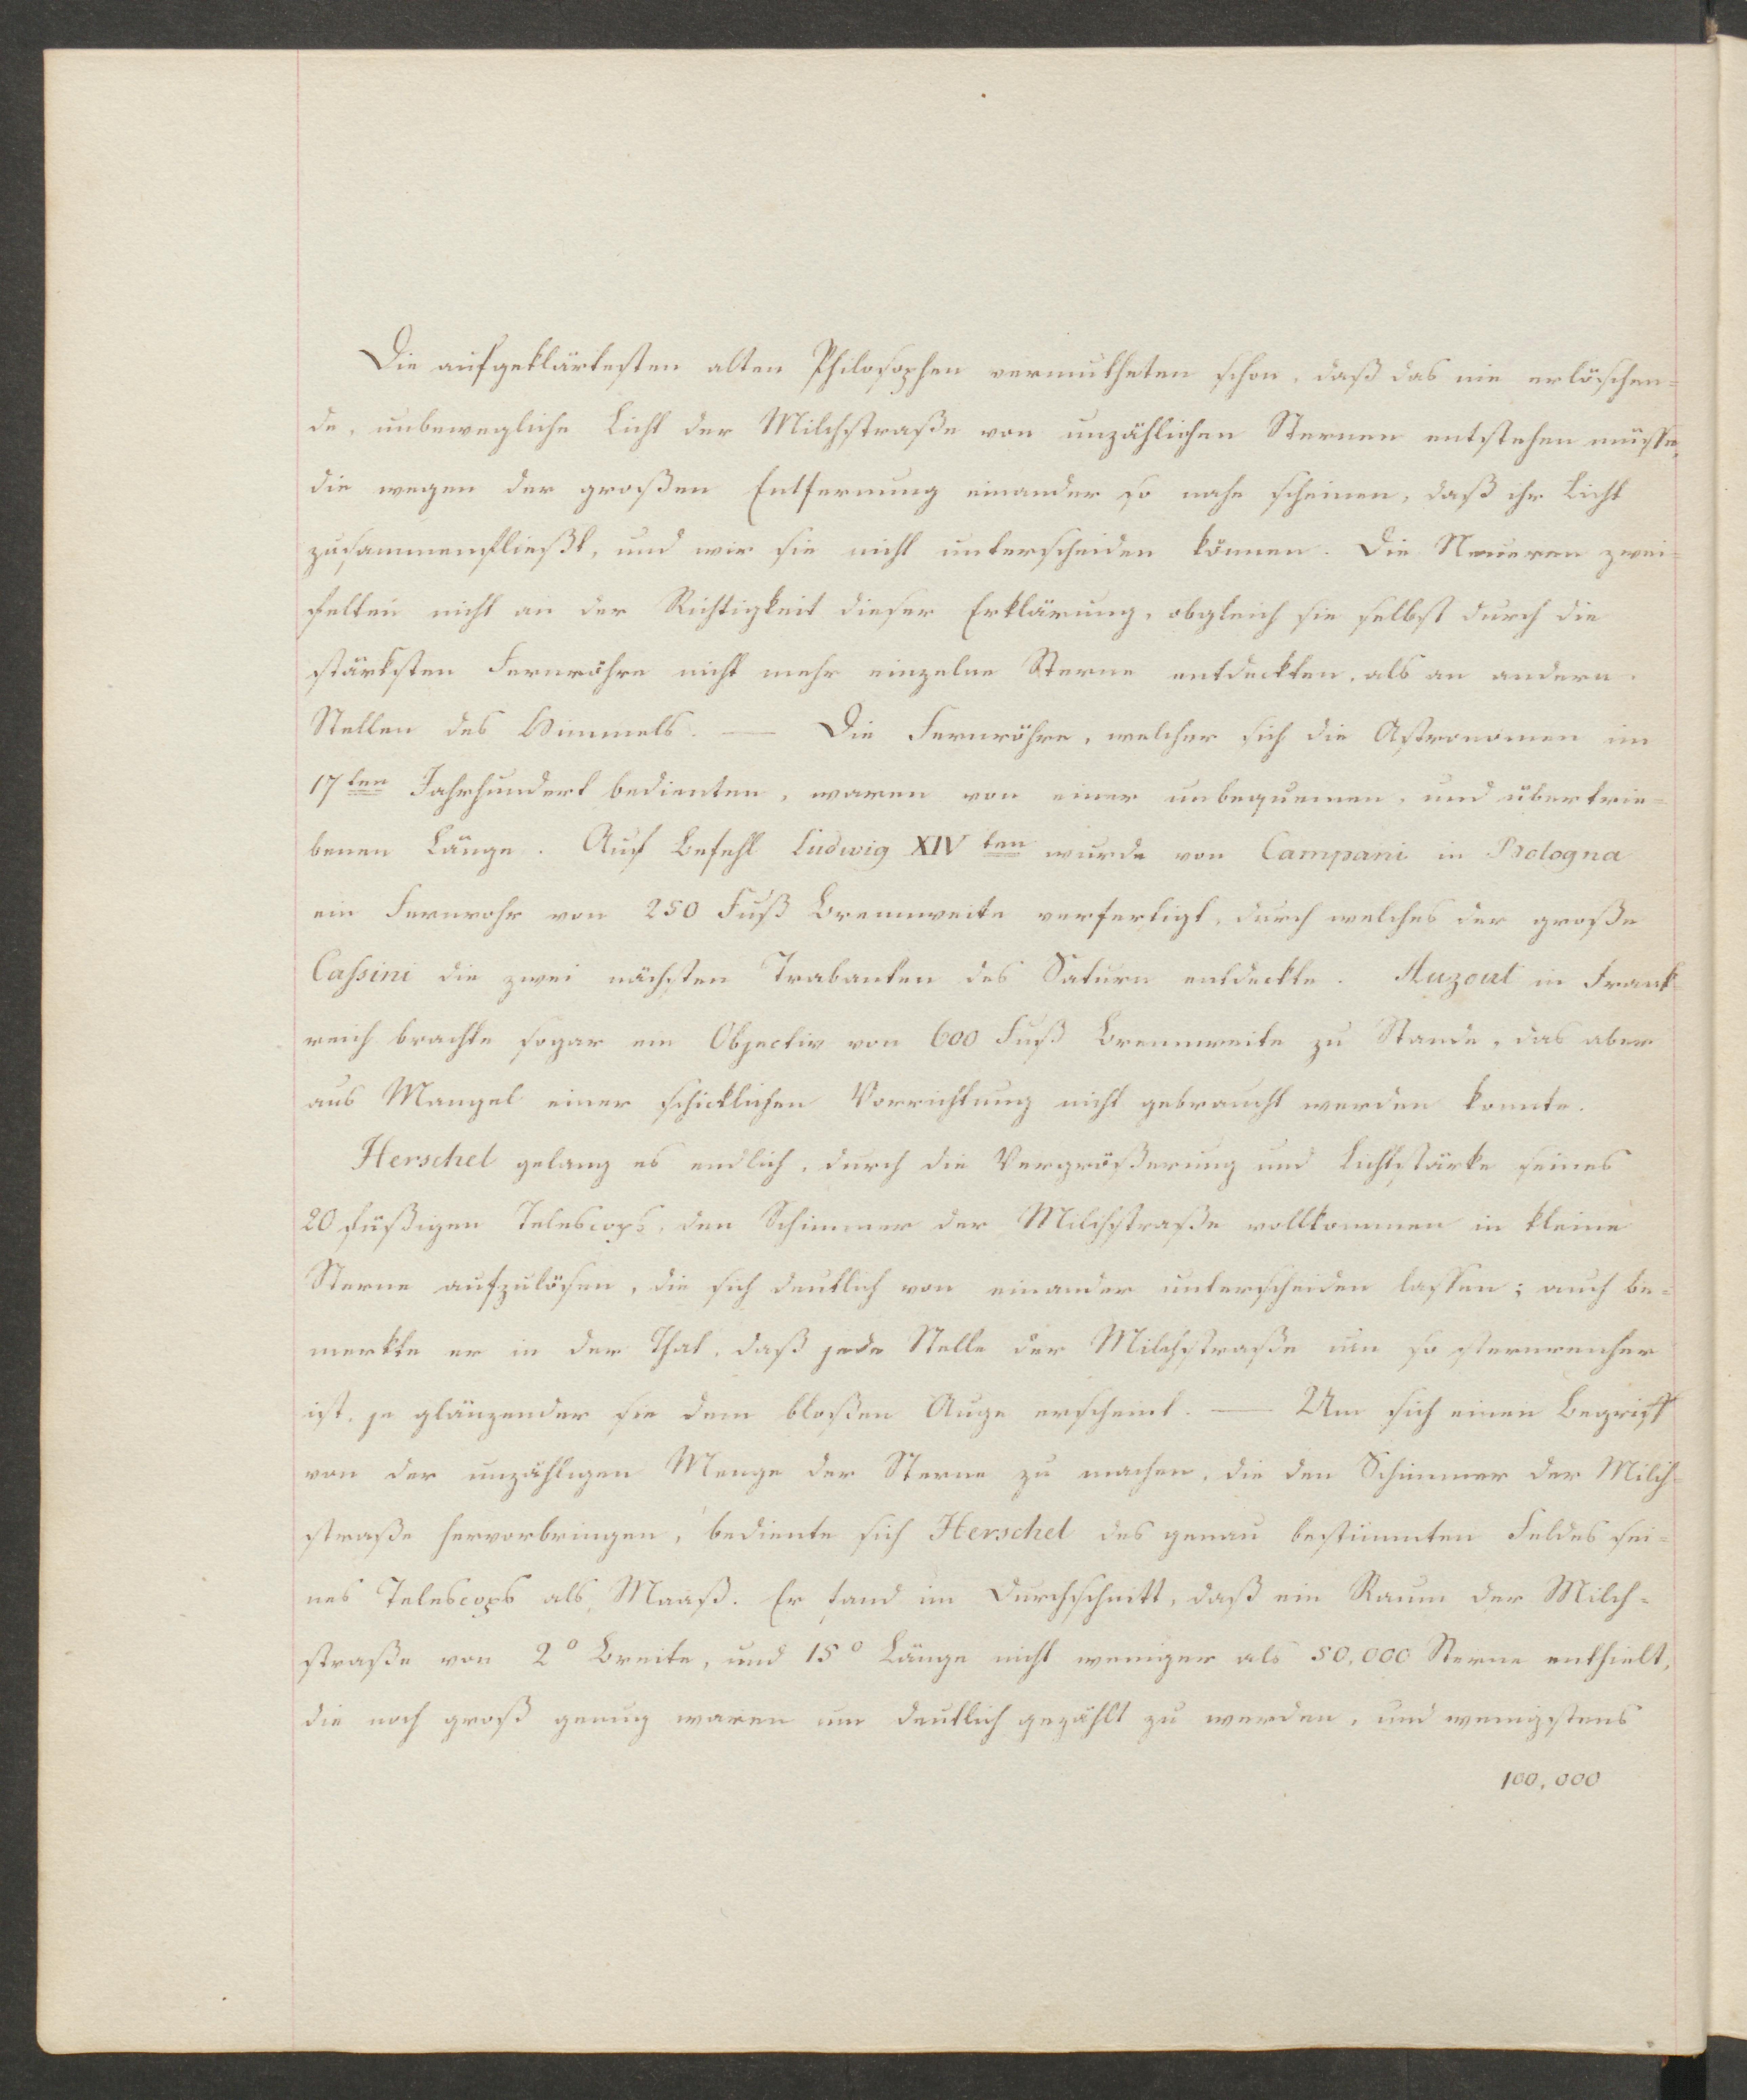Die aufgeklärtesten alten Philosophen vermutheten schon, daß das nie erlöschen-
de, unbewegliche Licht der Milchstraße von unzählichgen Sternen entstehen müsse,
die wegen der großen Entfernung einander so nahe scheinen, daß ihr Licht
zusammenfließt, und wir sie nicht unterscheiden können. Die Neueren zwei-
felten nicht an der Richtigkeit dieser Erklärung, obgleich sie selbst durch die
stärksten Fernröhre nicht mehr einzelne Sterne entdeckten, als an andern
Stellen des Himmels. – Die Fernröhre, welcher sich die Astronomen im
17ten Jahrhundert bedienten, waren von einer unbequemen, und übertrie-
benen Länge. Auf Befehl Ludwig XIVten wurde von Campani in Bologna
ein Fernrohr von 250 Fuß Brennweite verfertigt, durch welches der große
Cassini die zwei nächsten Trabanten des Saturn entdeckte. Auzout in Frank-
reich brachte sogar ein Objectiv von 600 Fuß Brennweite zu Stande, das aber
aus Mangel einer schicklichen Vorrichtung nicht gebraucht werden konnte.
Herschel gelang es endlich, durch die Vergrößerung und Lichtstärke seines
20 füßigen Telescops, den Schimmer der Milchstraße vollkommen in kleine
Sterne aufzulösen, die sich deutlich von einander unterscheiden lassen; auch be-
merkte er in der That, daß jede Stelle der Milchstraße um so sternreicher
ist, je glänzender sie dem bloßen Auge erscheint. – Um sich einen Begriff
von der unzähligen Menge der Sterne zu machen, die den Schimmer der Milch-
straße hervorbringen, bediente sich Herschel des genau bestimmten Feldes sei-
nes Telescops als Maaß. Er fand im Durchschnitt, daß ein Raum der Milch-
straße von 2° Breite, und 15° Länge nicht weniger als 50,000 Sterne enthielt,
die noch groß genug waren um deutlich gezählt zu werden, und wenigstens
100,000